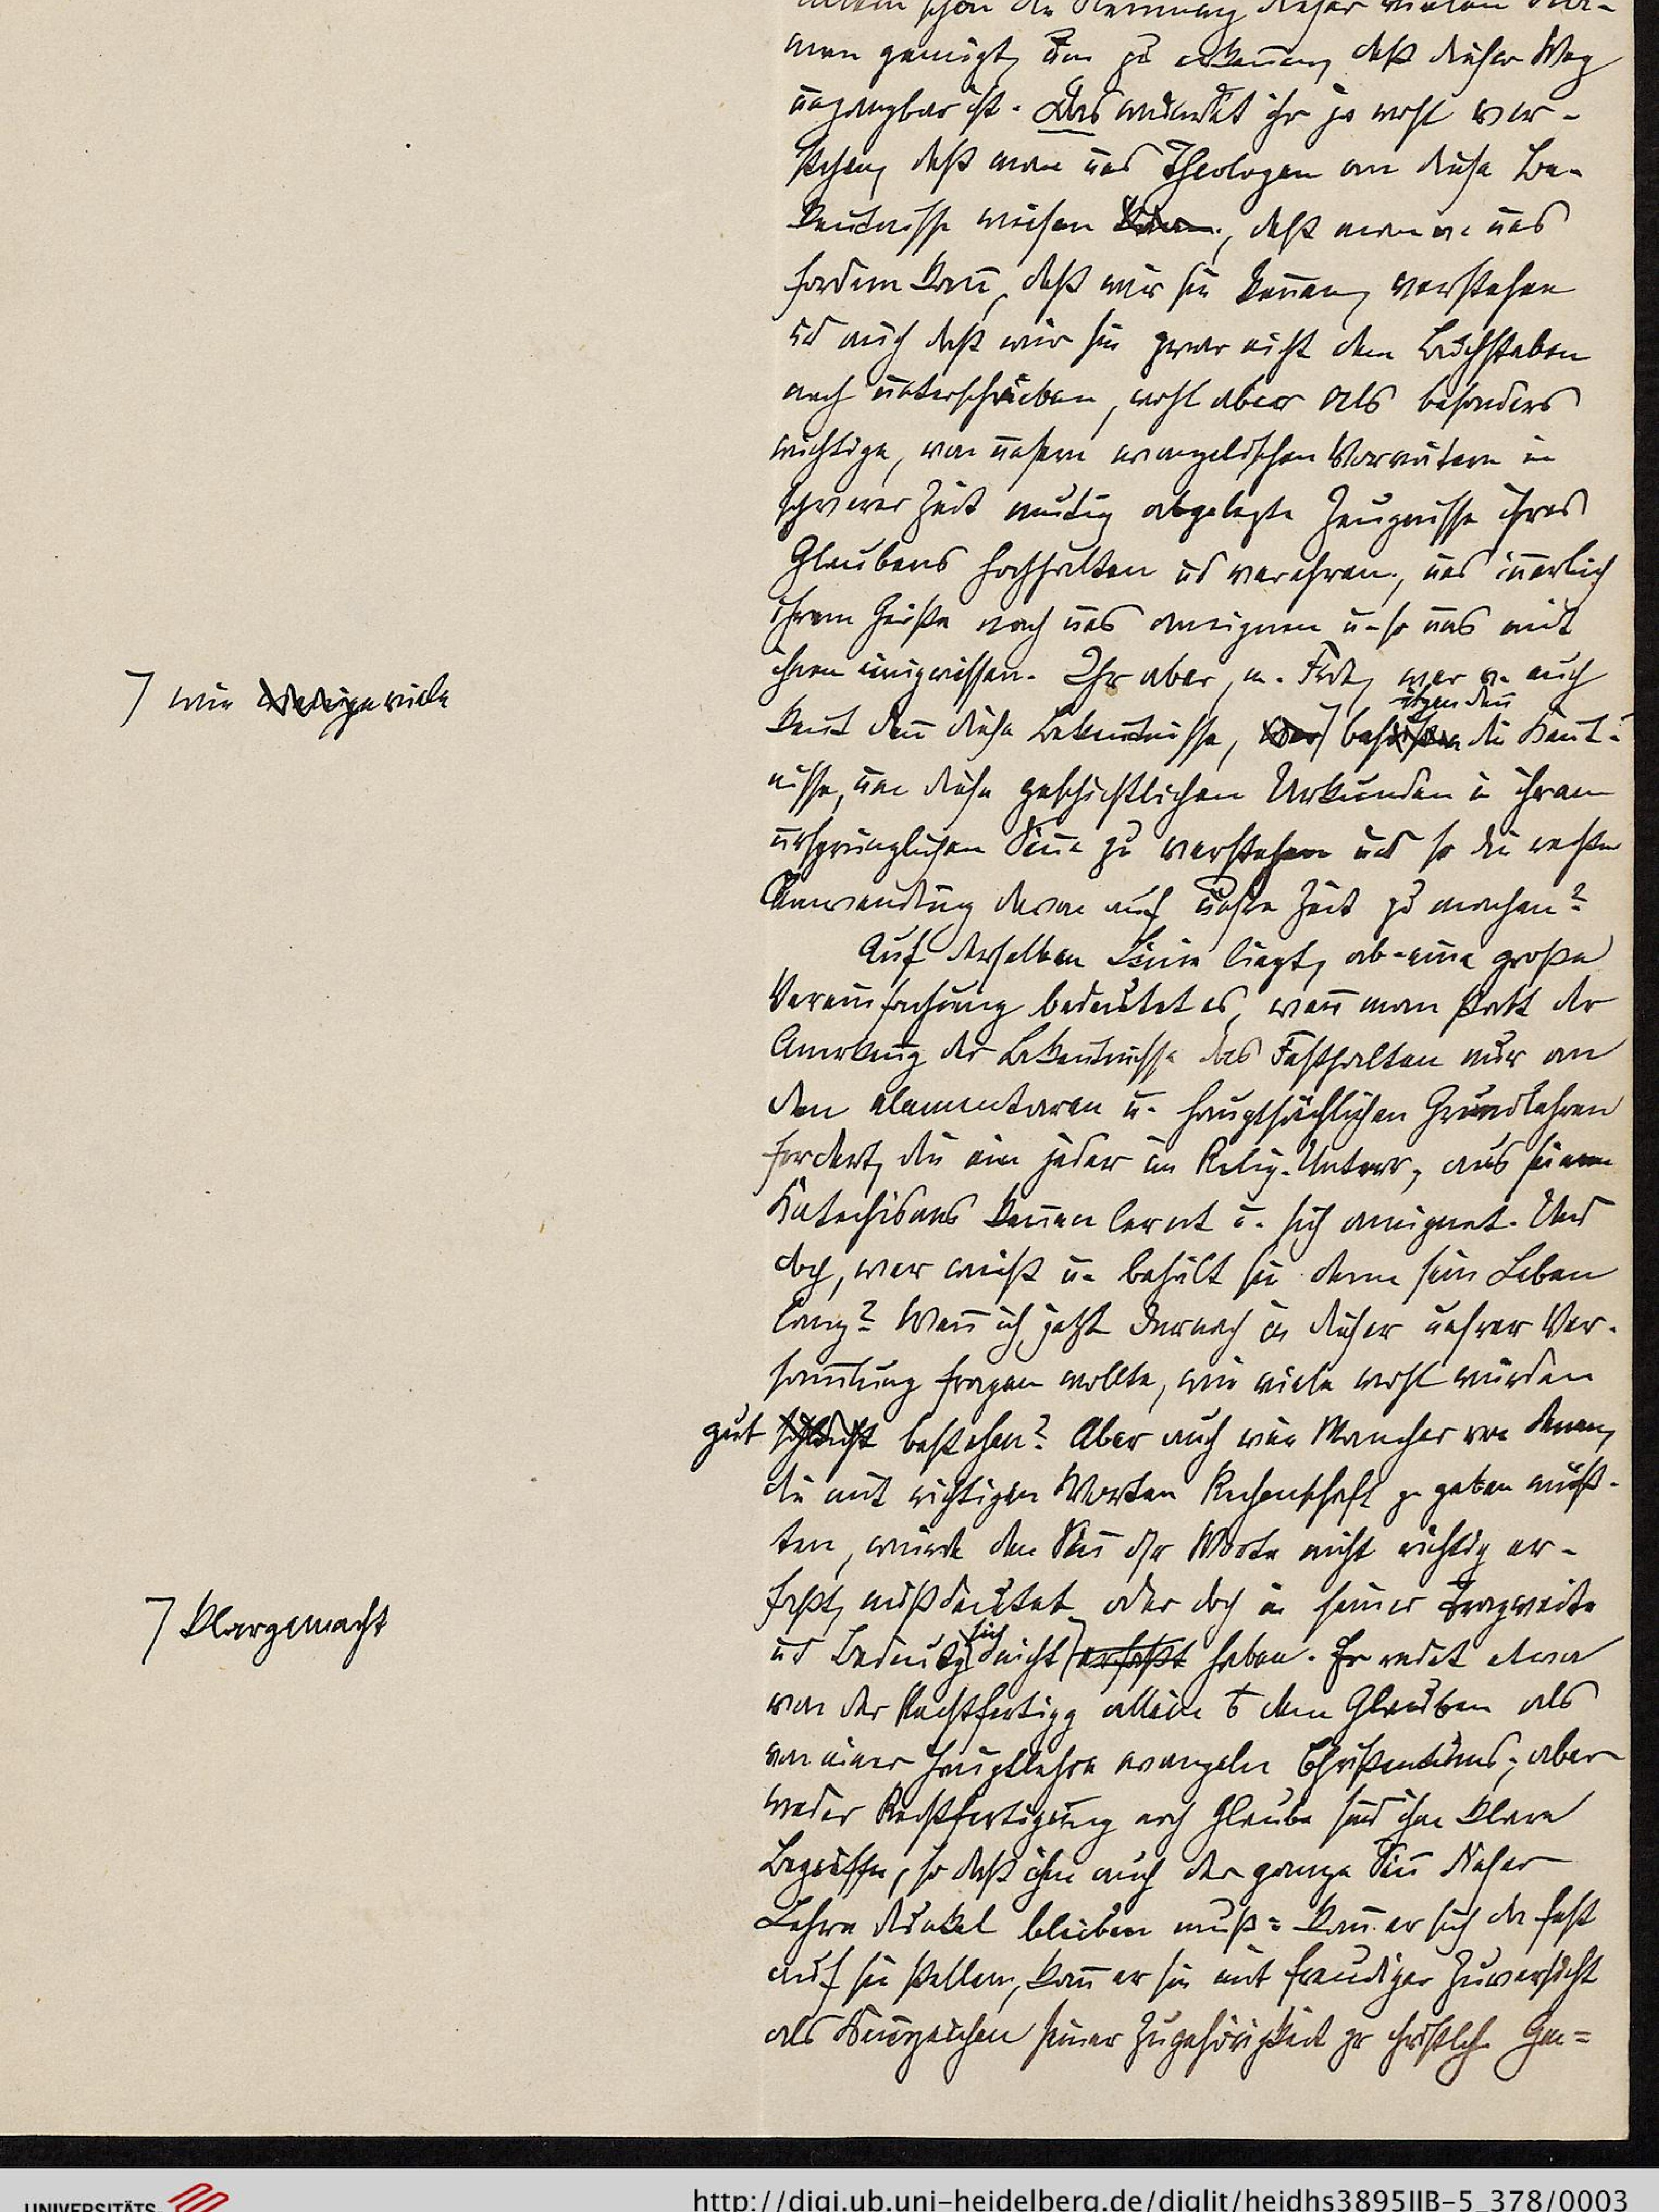wie wenige viele
klargemacht
gut
man geneigt, um zu erkenen, daß dieser Weg
ungangbar ist. Das werdet ihr ja wohl ver¬
stehen, das man uns Theologen an diese Be¬
kentnisse weisen kann, daß man v. uns
fordern kan, daß wir sie kenen, verstehen
und auch daß wir sie zwar nicht dem Buchstaben
nach unterschrieben, wohl aber als besonders
wichtige, vom unsern evangelischen Vorvätern in
schwerer Zeit mutig abgelegte Zeugnisse ihres
Glaubens hochhalten und verehren uns innerlich
ihrem Geiste nach uns aneignen u. so uns mit
ihnen einigwissen. Ihr aber, m. Frde., wer v. euch
ihnen den
kent den diese Bekentnisse, wer ] beförd die Kent¬
nisse, um diese geschichtlichen Urkunden in ihrem
ursprünglichen Sine zu verstehen und so die rechte
Anwendung davon auf unsere Zeit zu machen?
Auf derselben Linie liegt, ab eine großen
Vereinfachung bedeutet es, wen man statt der
Anerkeng. der Bekenntnisse das Festhalten nur an
den elementaren um. hauptsächlichen Grundlehren
fordert, die ein jeder in Relig.Unterr., aus seinem
Katechismus kennenlernt u. aneignet. Und
doch, wer weicht u. behält sie denn sein Leben
lang? Wen ich jetzt danach in dieser unsrer Ver¬
sammlung fragen wollte, wie viele wohl würden
schlecht bestehen? Aber auch wie Mancher von denen,
die mit richtigen Worten Rechenschaft z. geben wüß¬
ten, würde den Sin der Worte nicht richtig er¬
faßt, mißdeutet oder doch in seiner Tragweite
und Bedeutg sich micht erfaßt haben. Er redet etwa
von der Rechtfertigung allein s dem Glauben als
von einer Hauptlehre evangeln Christentums; aber
weder Rechtfertigung noch Glaube sind ihm klare
Begriffe, so daß ihm auch der ganze Sin dieser
Lehre dunkel bleiben muss : kan er sich da fest
auf sie stellen, kan er sie mit freudiger Zuversicht
als Kenzeichen seiner Zugehörigkeit zr. christlch. Gm¬